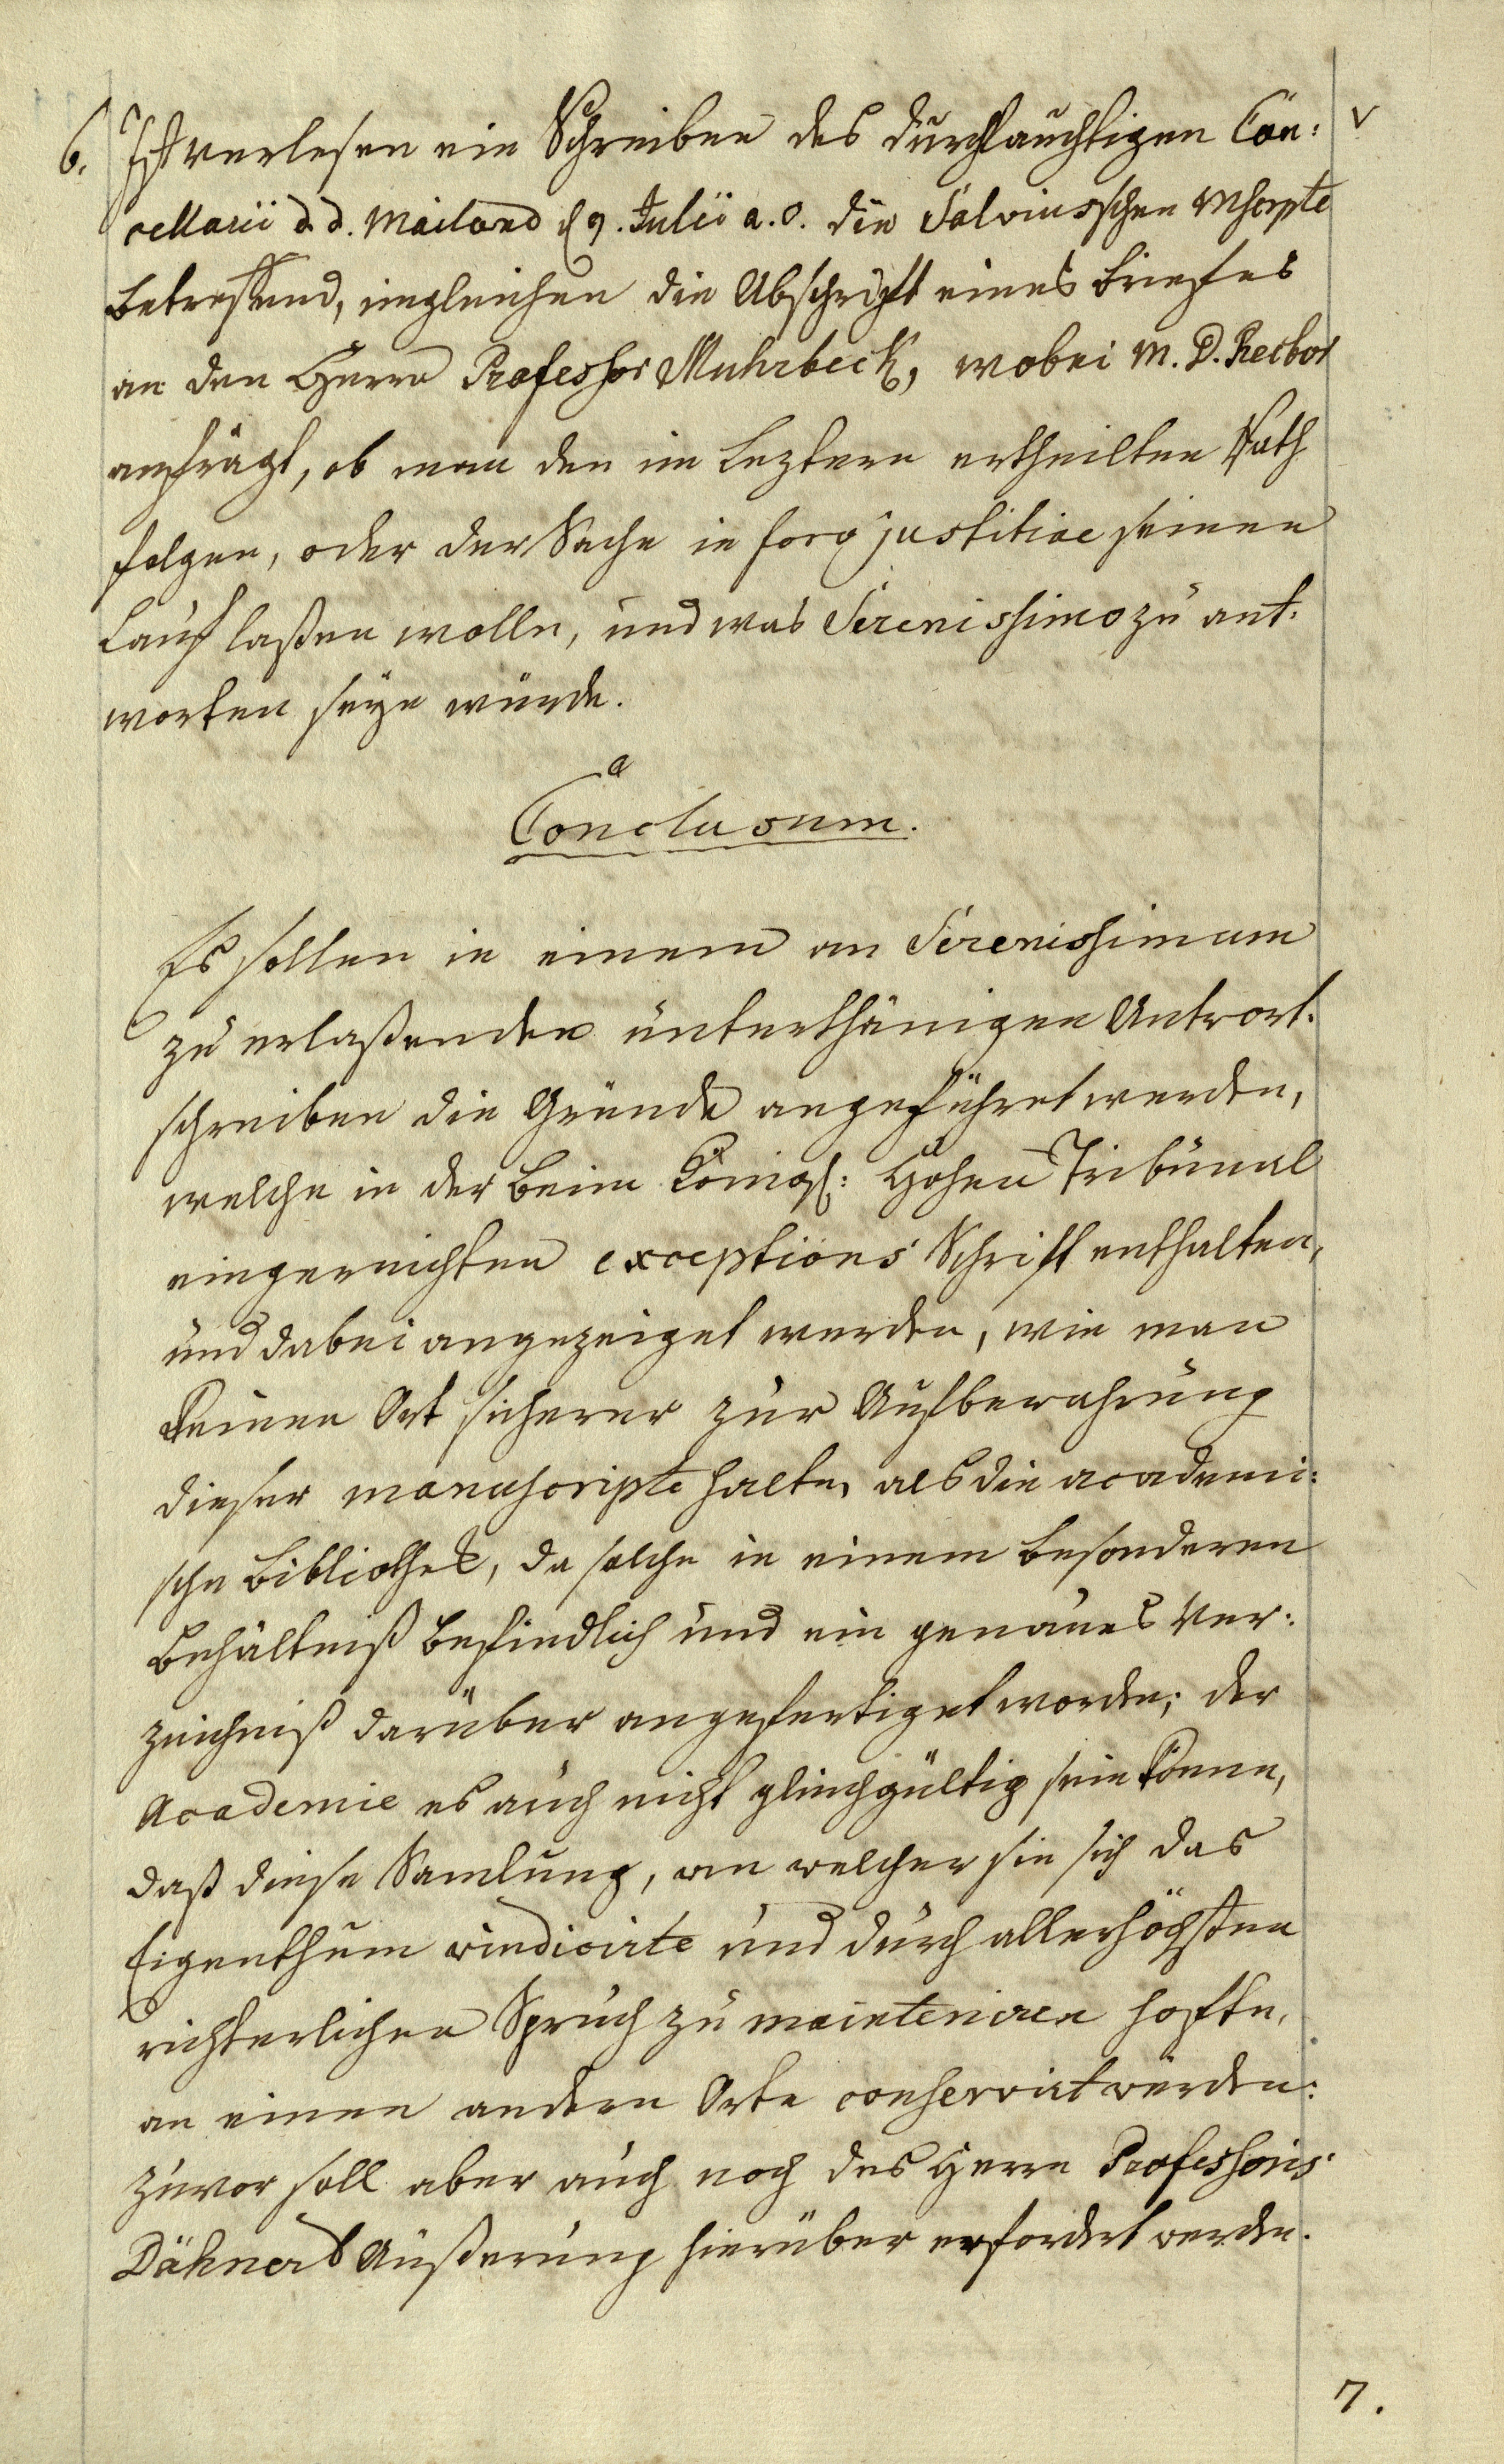6. Ist verlesen ein Schreiben des Durchlauchtigen Can¬
cellarii d. d. Mailand d. 9. Julii a. o. die Salviusschen rescripte
betreffend, imgleichen die Abschrift eines Briefes
an den Herrn Professor Muhrbeck, wobei M. D. Rector
anfrägt, ob man den im Leztern ertheilten Rath
folgen, oder der Sache in foro justitiae seinen
Lauf laßen wolle, und was Serenissimo zu ant¬
worten seÿn würde.
Conclusum
Es sollen in einem an Serenissimum
zu erlaßenden unterthänigen Antwort¬
schreiben die Gründe angeführet werden,
welche in der beim Königl. Hohen Tribunal
eingereichten exceptions Schrift enthalten,
und dabei angezeiget werden, wie man
keinen Ort sicherer zur Aufbewahrung
dieser manuscripte halte, als die academi¬
sche Bibliothek, da solche in einem besonderen
Behältniß befindlich und ein genaues Ver¬
zeichniß darüber angefertiget worden; der
Academie es auch nicht gleichgültig sein könne,
daß diese Samlung, an welcher sie sich das
Eigenthum vindicirte und durch allerhöchsten
richterlichen Spruch zu mainteniren hofte,
an einem andern Orte conservirt würden.
Zuvor soll aber auch noch des Herrn Professoris
Dähnert Äußerung hierüber erfordert werden.